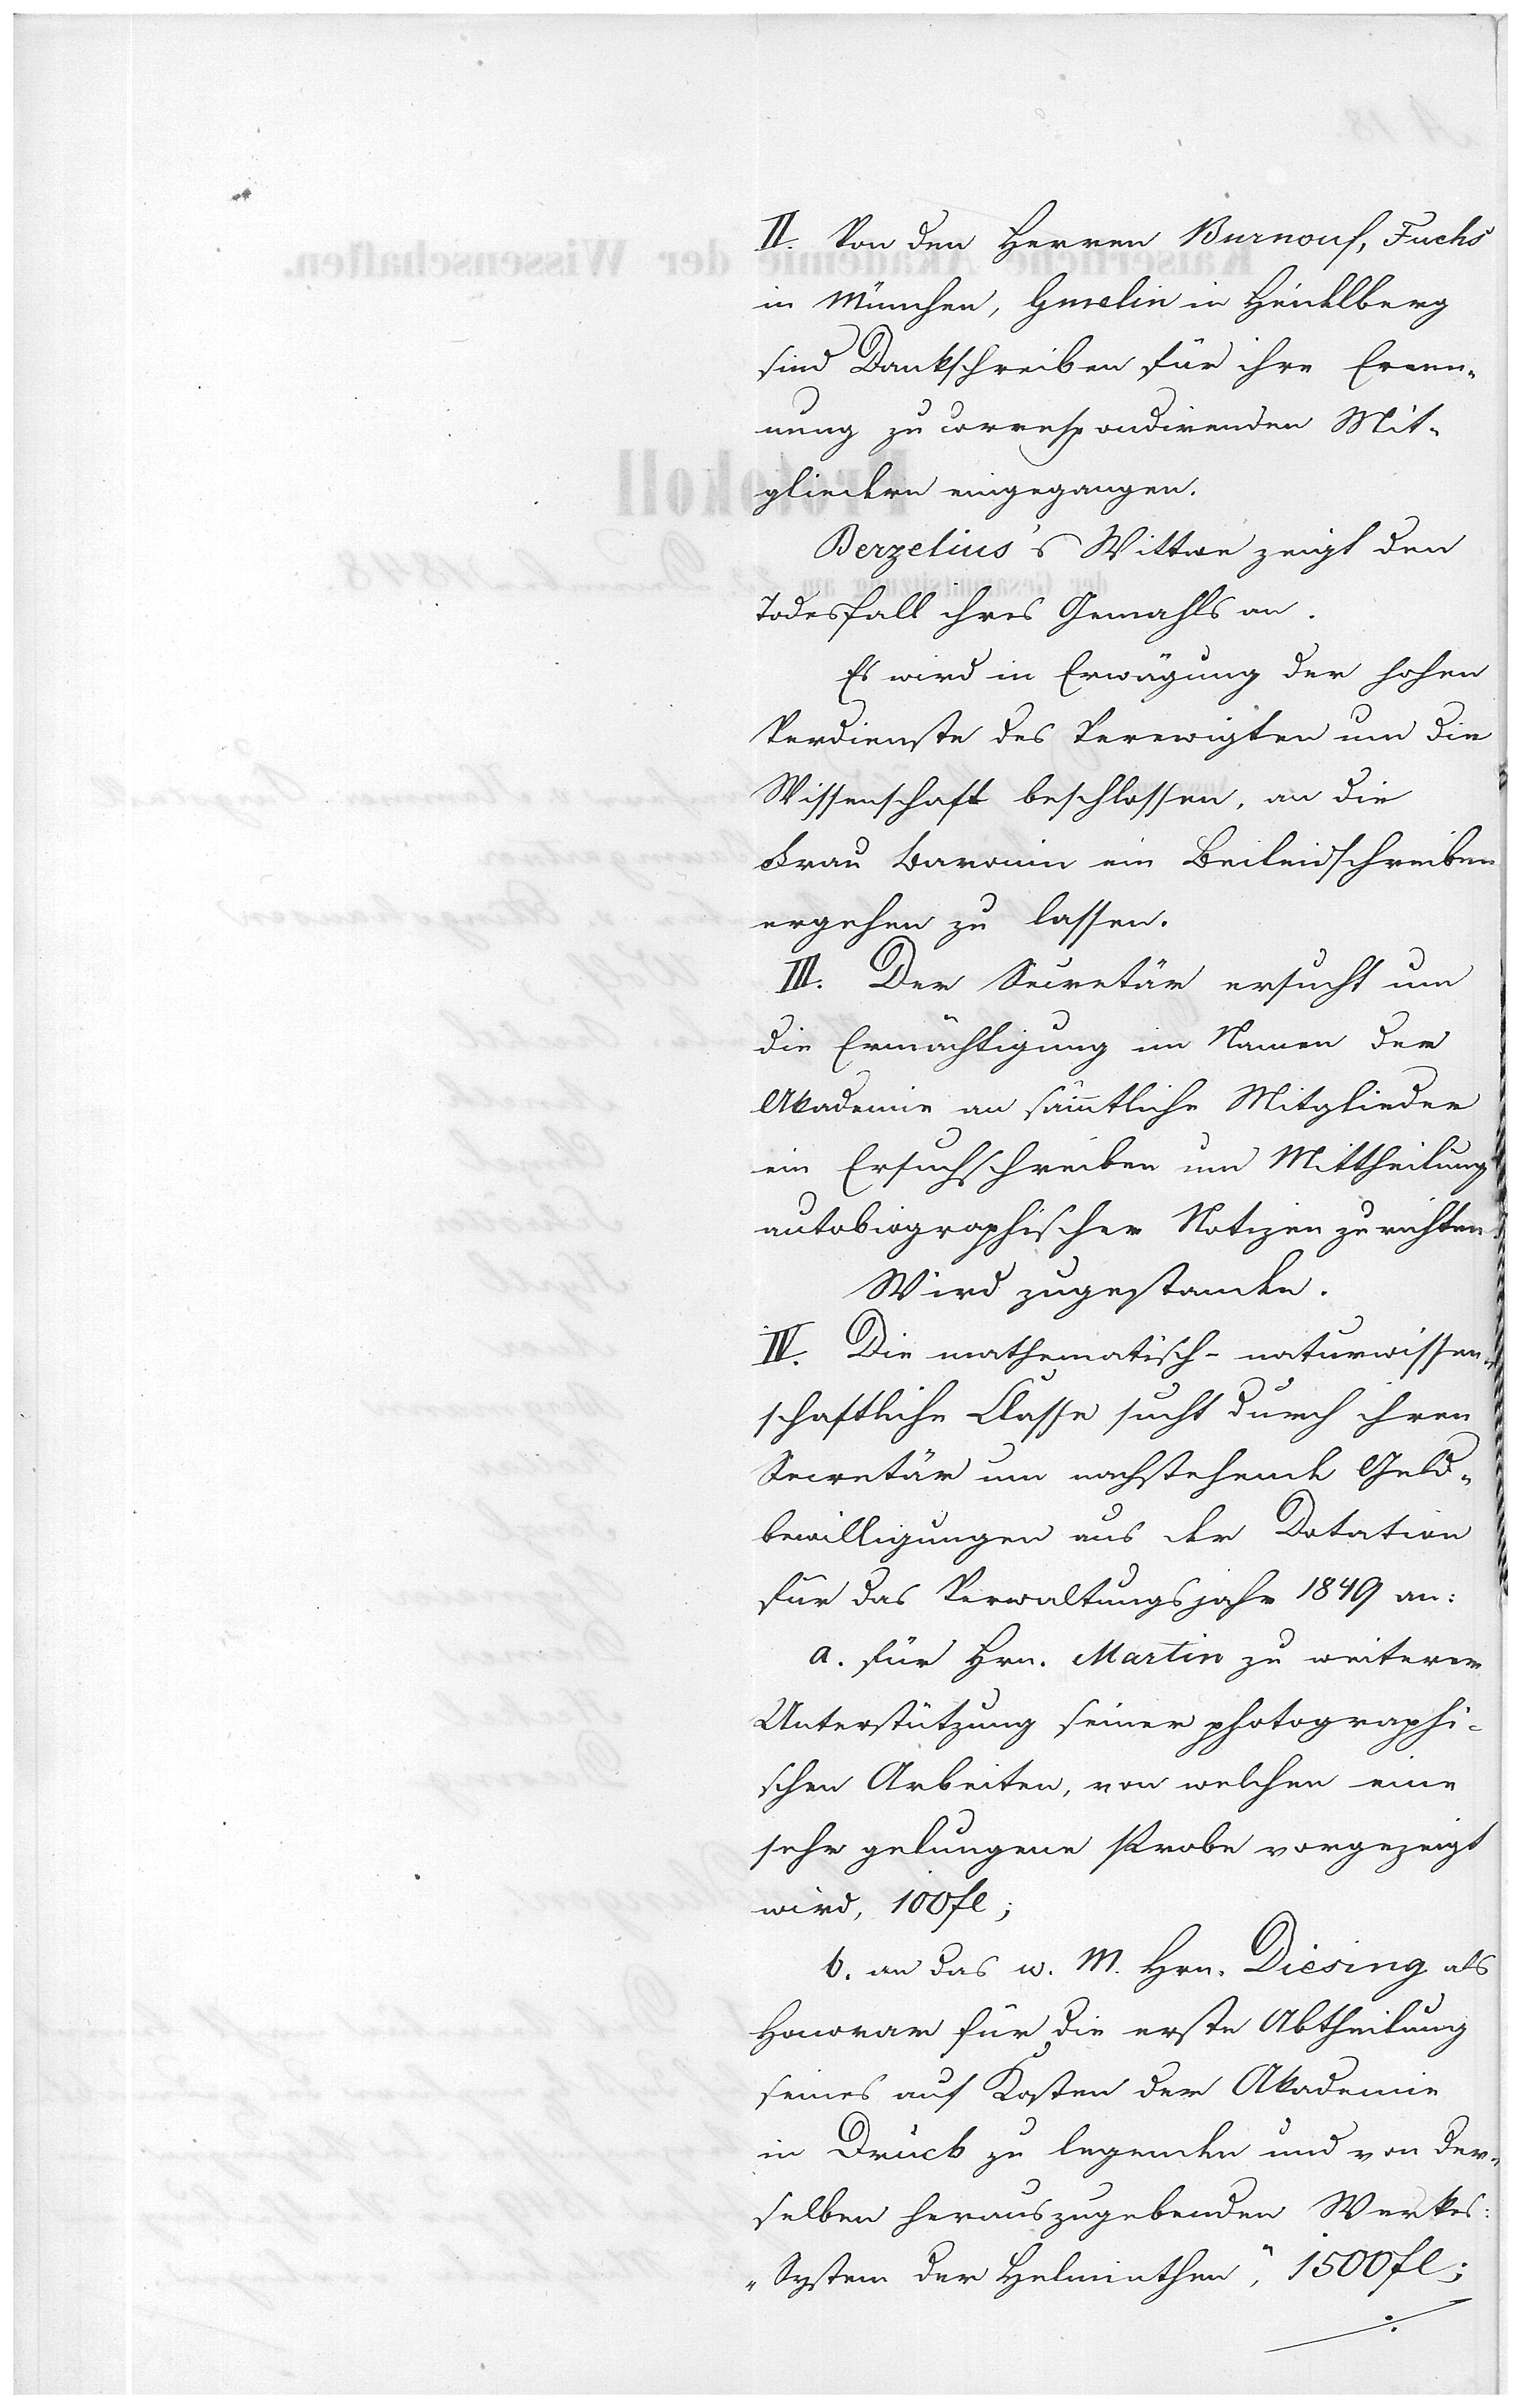II. Von den Herren Burnouf, Fuchs
in München, Gmelingin Heidelberg
sind Dankschreiben für ihre Ernen-
nung zu correspondirenden Mit-
gliedern eingegangen.
Berzelius's Wittwer zeigt den
Todesfall ihren Gemahls an.
Es wird im Erwägung der hohen
Verdienste des Verewigten um die
Wissenschaft beschlossen, an die
Frau Baronin ein Beileidschreiben
ergehen zu lassen.
III. Der Secretär ersucht um
die Ermächtigung im Namen der
Akademie an sämmtliche Mitglieder
ein Ersuchschreiben um Mittheilung
autobiographischer Notizen zu richten.
Wird zugestanden.
IV. Die mathematisch-naturwissen-
schaftliche Classe sucht durch ihren
Secretär um nachstehende Geld-
bewilligungen aus der Dotation
für des Verwaltungsjahr 1849 an:
a. für Hrn. Martin zu weiterer
Unterstützung seiner photographi-
schen Arbeiten, von welchen eine
sehr gelungene Probe vorgezeigt
wird, 100 fl;
b. an das w. M. Hrn. Diesing als
Honorar für die ersten Abtheilung
seines auf Kosten der Akademie
in Dank zu legenden und von der-
selben herauszugebenden Werkes:
"System der Helminthen", 1500 fl;